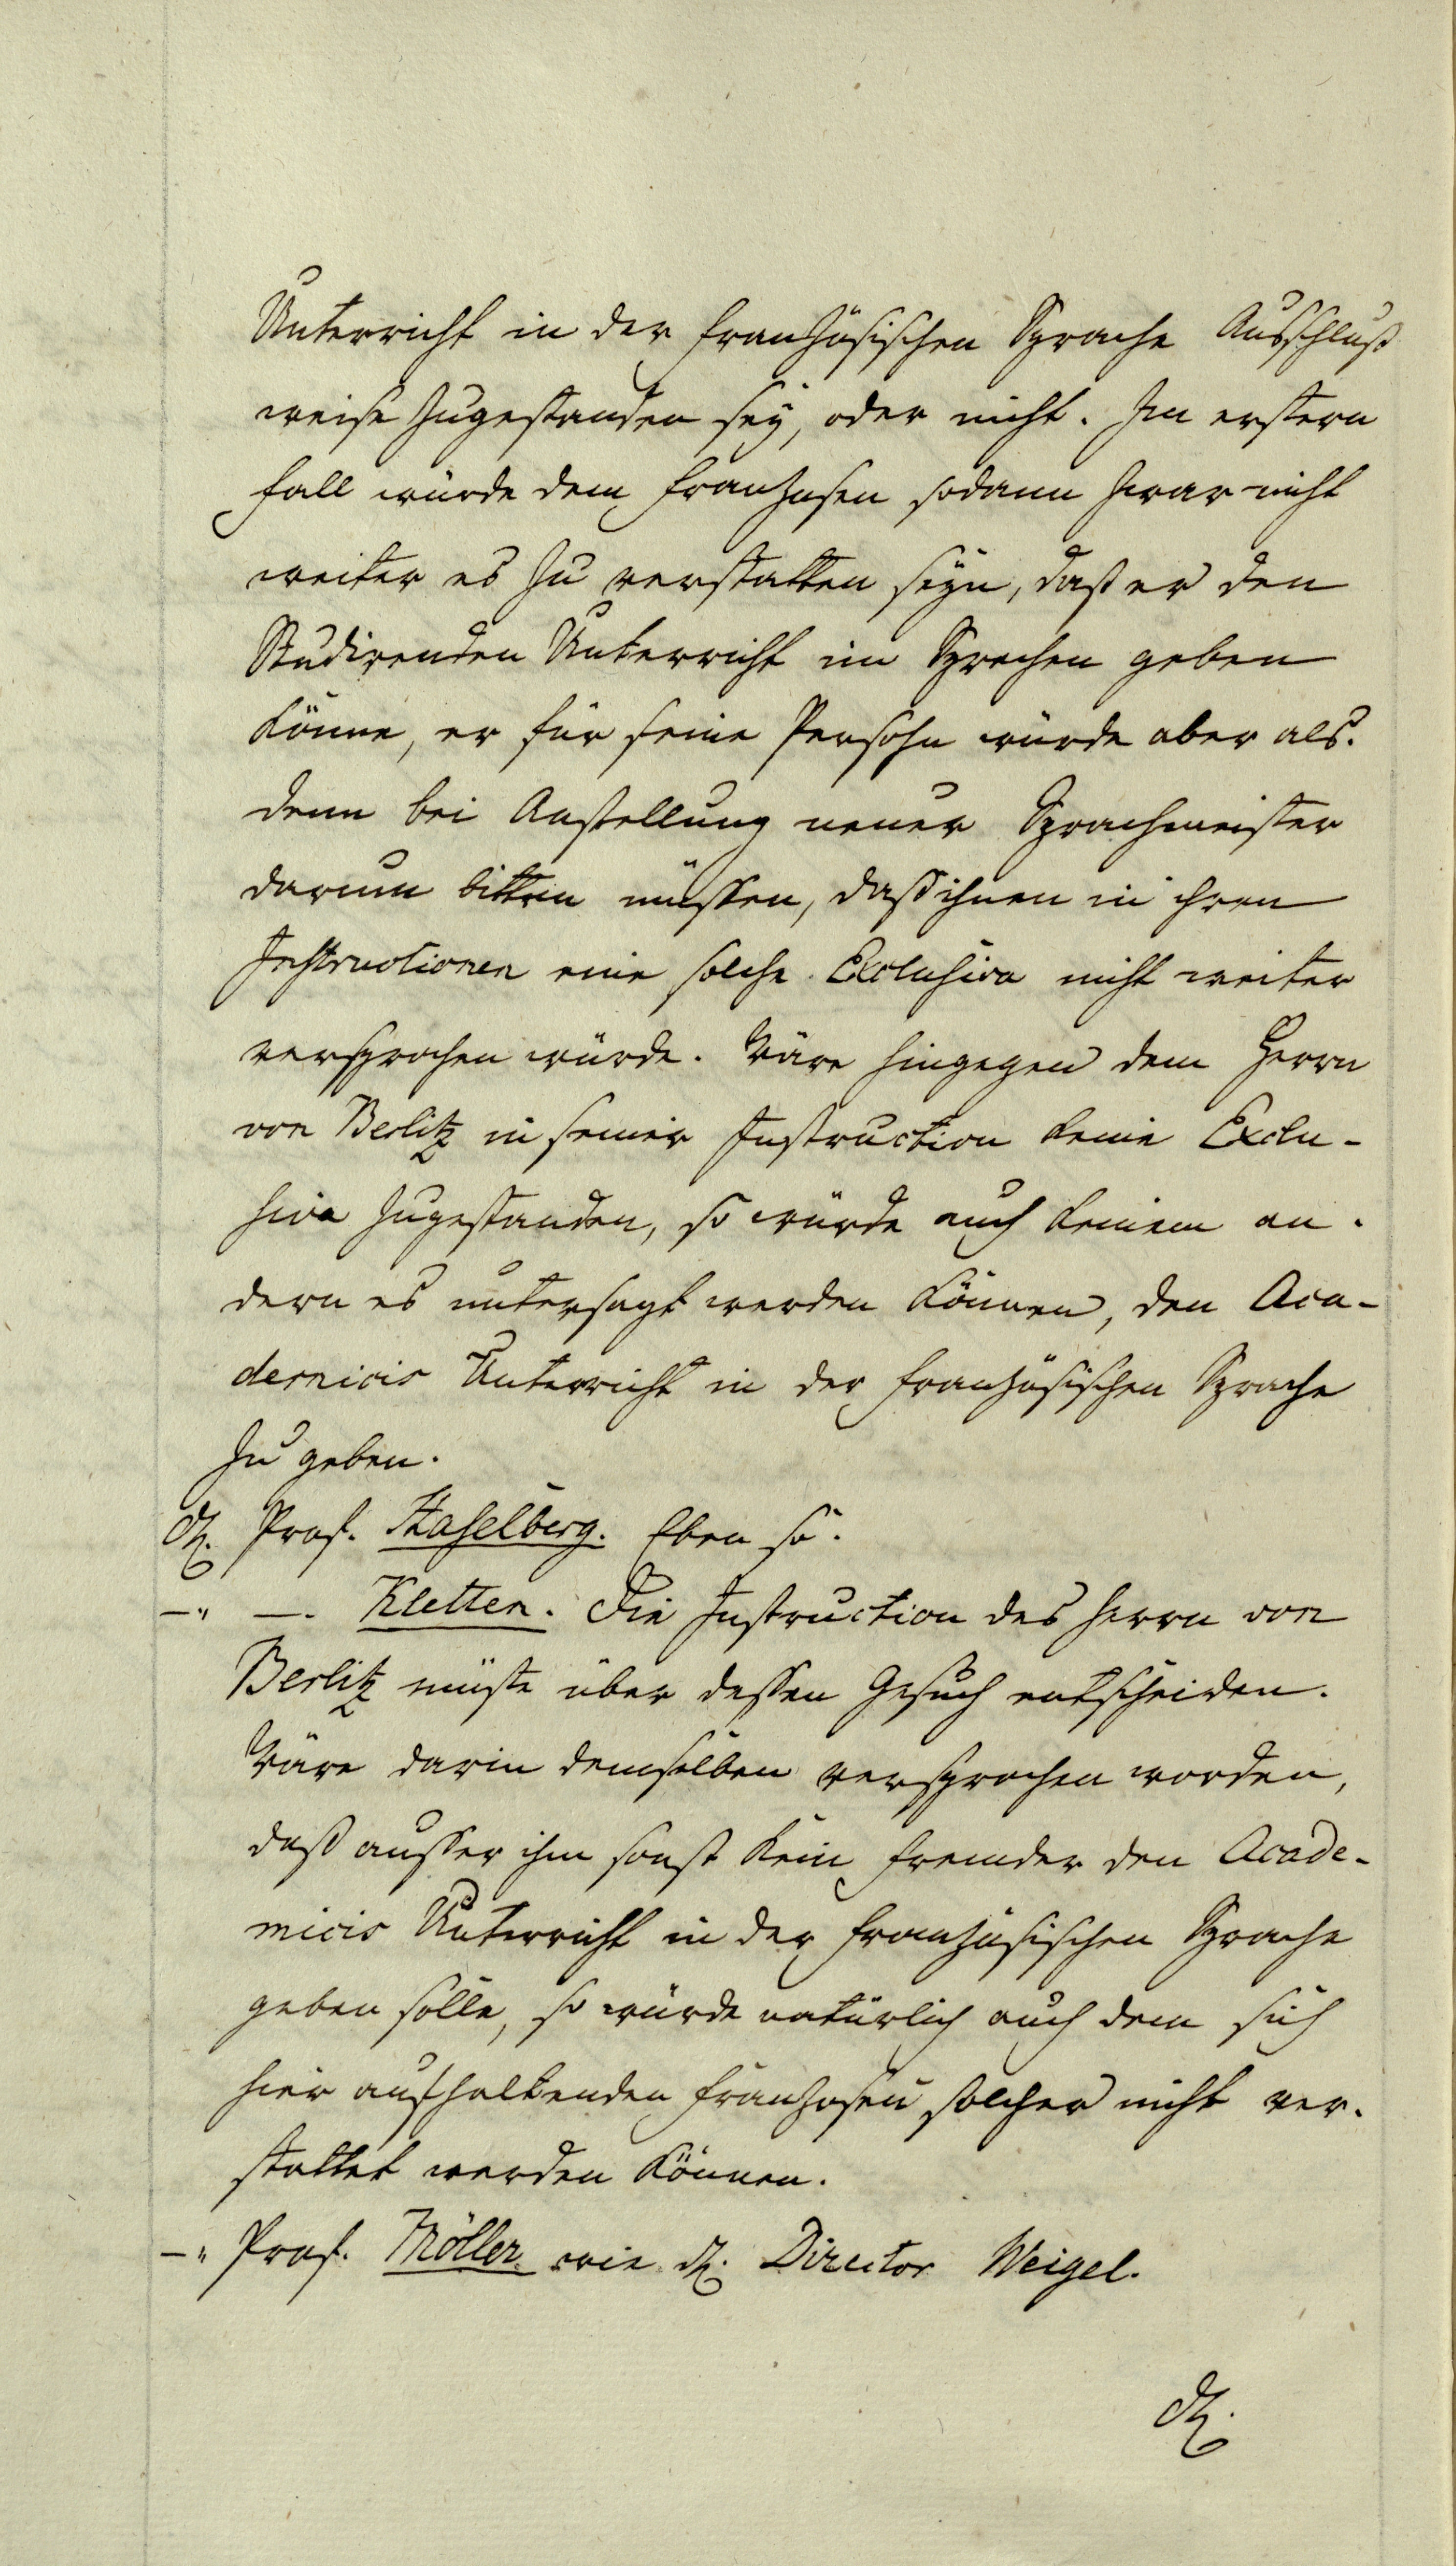Unterricht in der Französischen Sprache Ausschluß
weise zugestanden seÿ, oder nicht. Im erstern
Fall würde dem Franzosen sodann zwar nicht
weiter es zu verstatten seÿn, daß er den
Studirenden Unterricht im Sprechen geben
könne, er für seine Persohn würde aber als¬
dann bei Anstellung neuer Sprachmeister
darum bitten müssen, daß ihnen in ihren
Instructionen eine solche Exclusiva nicht weiter
versprochen würde. Wäre hingegen dem Herrn
von Berlitz in seiner Instruction keine Exclu¬
siva zugestanden, so würde auch keinem an¬
dern es untersagt werden können, den Aca¬
demicis Unterricht in der Französischen Sprache
zu geben.
dh. Prof. Haselberg. Eben so.
— " — . Kletten. Die Instruction des Herrn von
Berlitz müsste über dessen Gesuch entscheiden.
Wäre darin demselben versprochen worden,
daß ausser ihm sonst kein Fremder den Acade¬
micis Unterricht in der Französischen Sprache
geben solle, so würde natürlich auch dem sich
hier aufhaltenden Franzosen solcher nicht ver¬
stattet werden können.
— " Prof. Möller. wie dh. Director Weigel.
dh.